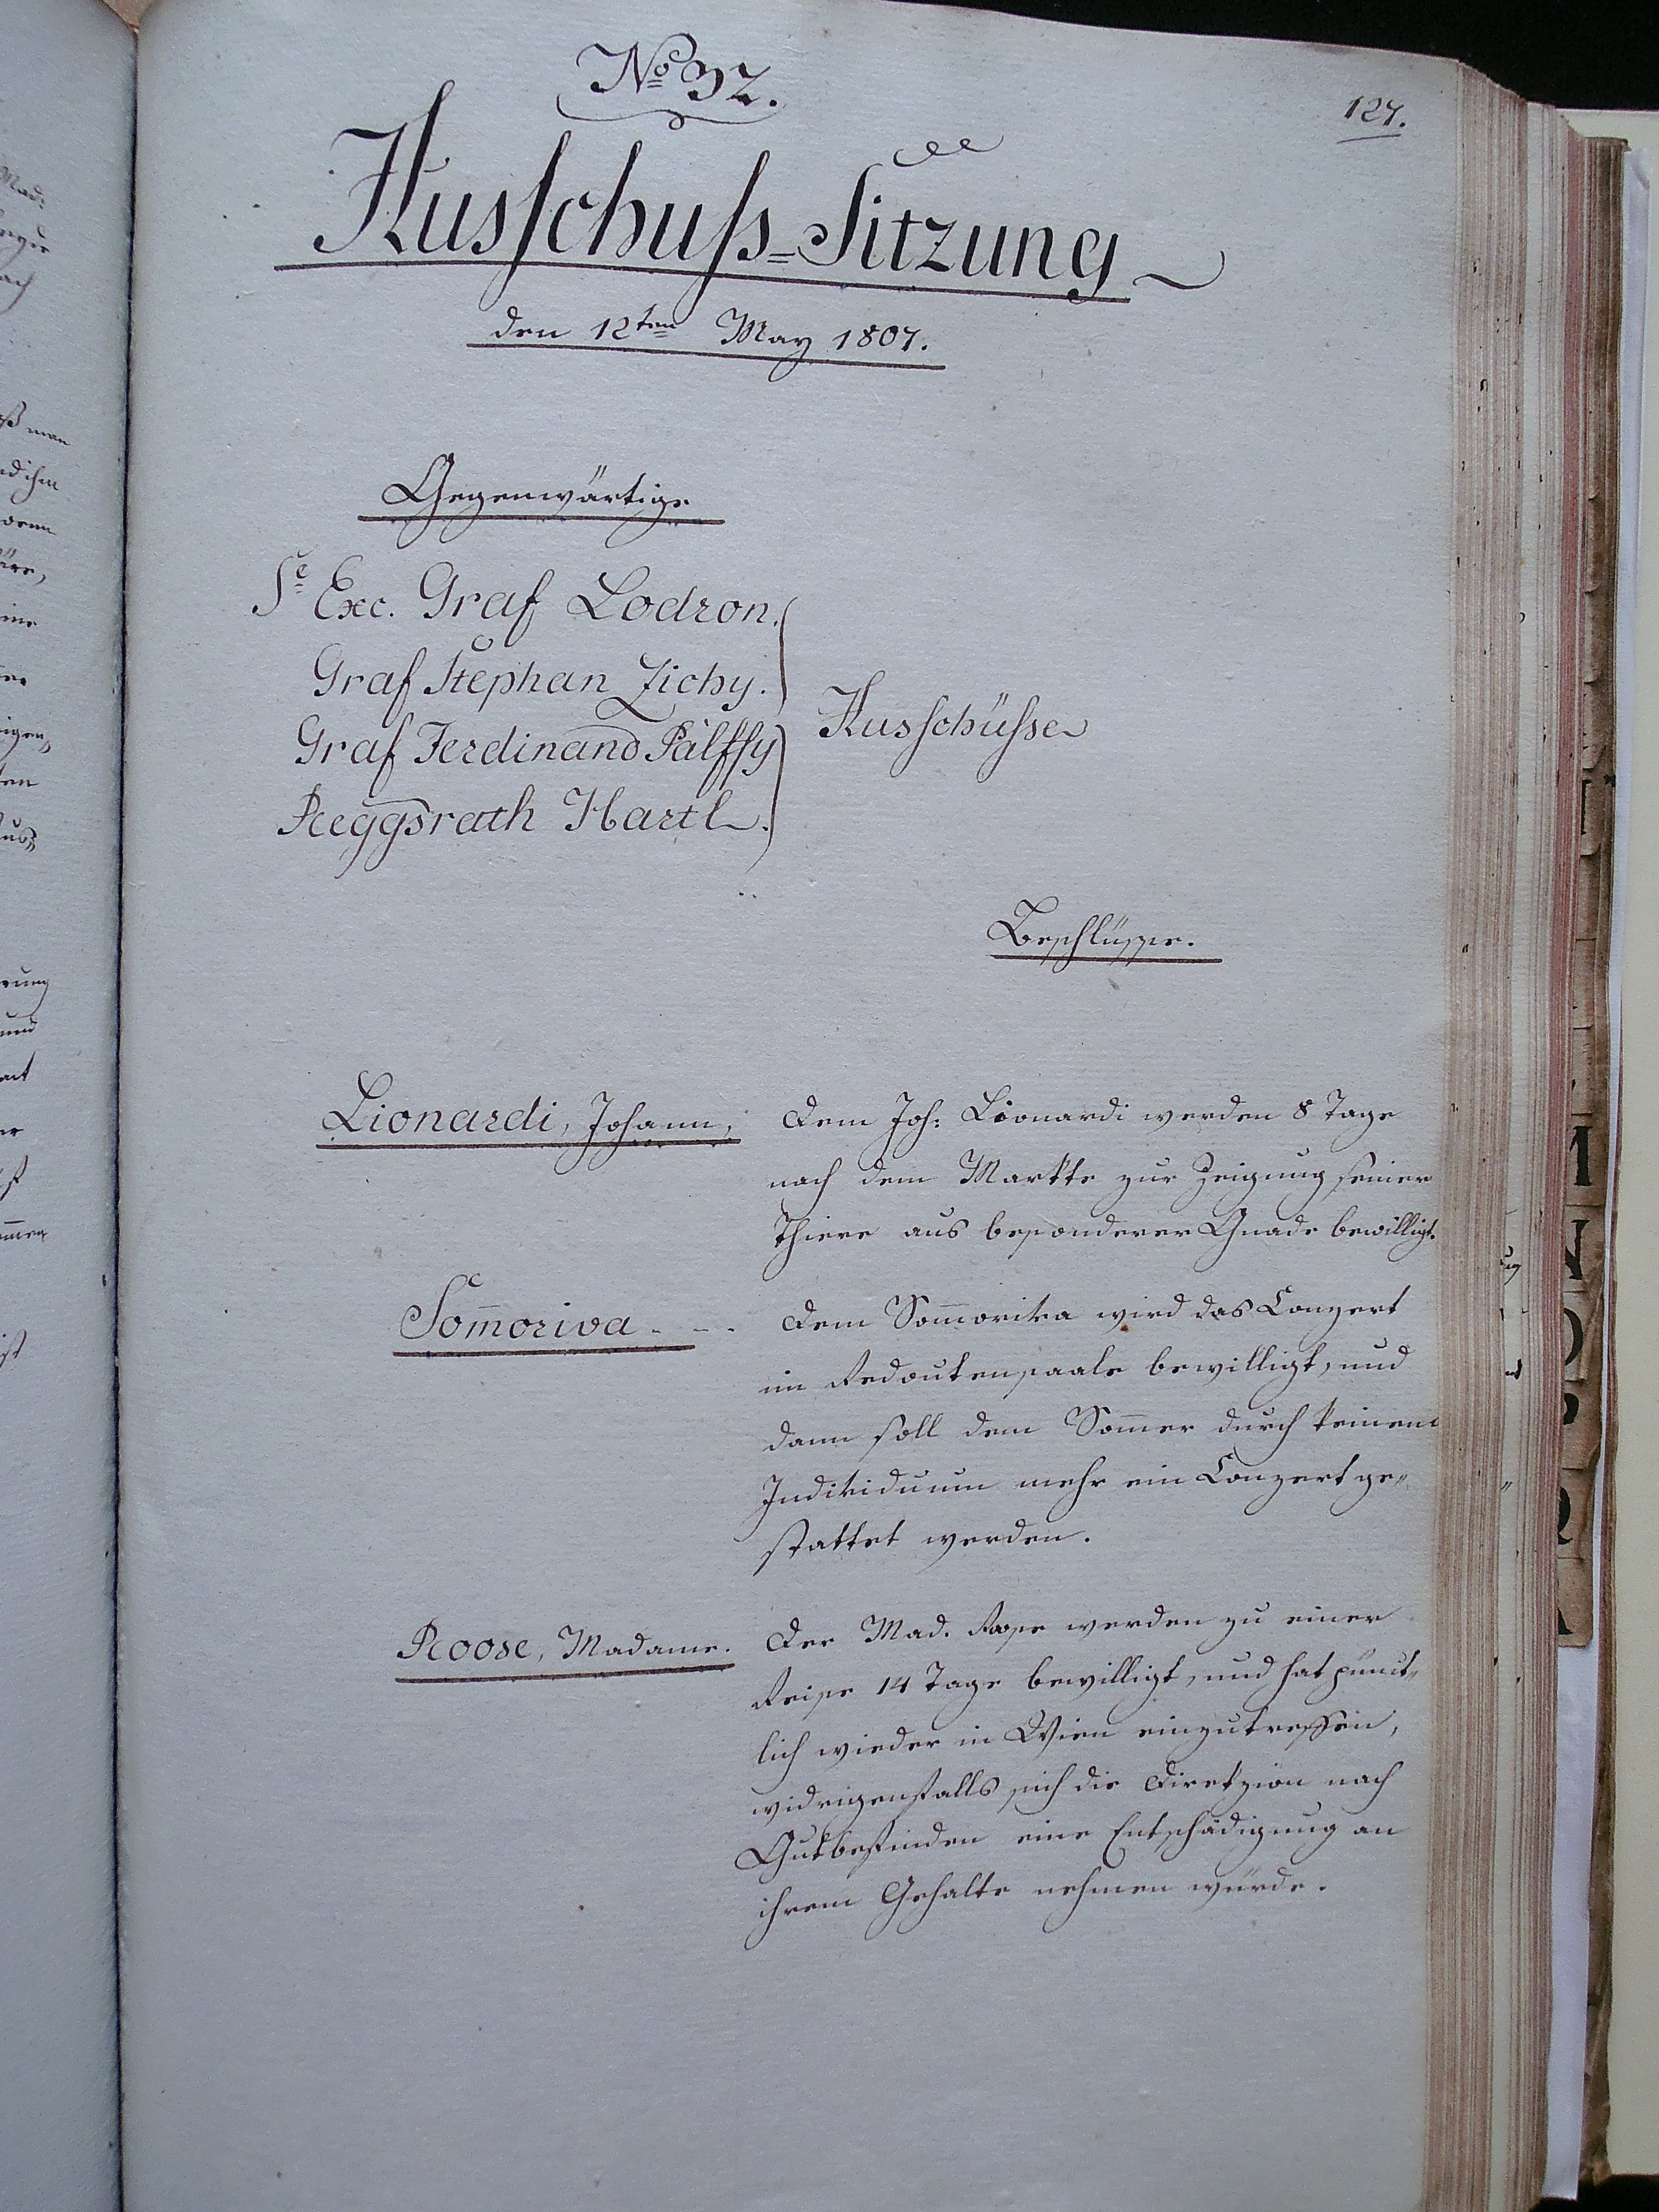127.
No͇ 32.
Ausschuss‗Sitzung
den 12te͇n May 1807.
Gegenwärtige
Se͇ Exc. Graf Lodron.
Graf Stephan Zichy.
Graf Ferdinand Pàlffy
Reg͞gsrath Hartl.
Ausschüsse
Beschlüsse.
Lionardi, Johann, Dem Joh: Lionardi werden 8 Tage
nach dem Markte zur Zeigung seiner
Thiere aus besonderer Gnade bewilligt.
Som̅oriva .. .. . Dem Som̅oriva wird das Conzert
im Redoutensaale bewilligt, und
dann soll dem Som̅er durch keinem
Individuum mehr ein Conzert ge¬
stattet werden.
Roose, Madame. Der Mad. Roose werden zu einer
Reise 14 Tage bewilligt, und hat pünct¬
lich wieder in Wien einzutreffen,
widrigenfalls sich die Direkzion nach
Gutbefinden eine Entschädigung an
ihrem Gehalte nehmen würde.